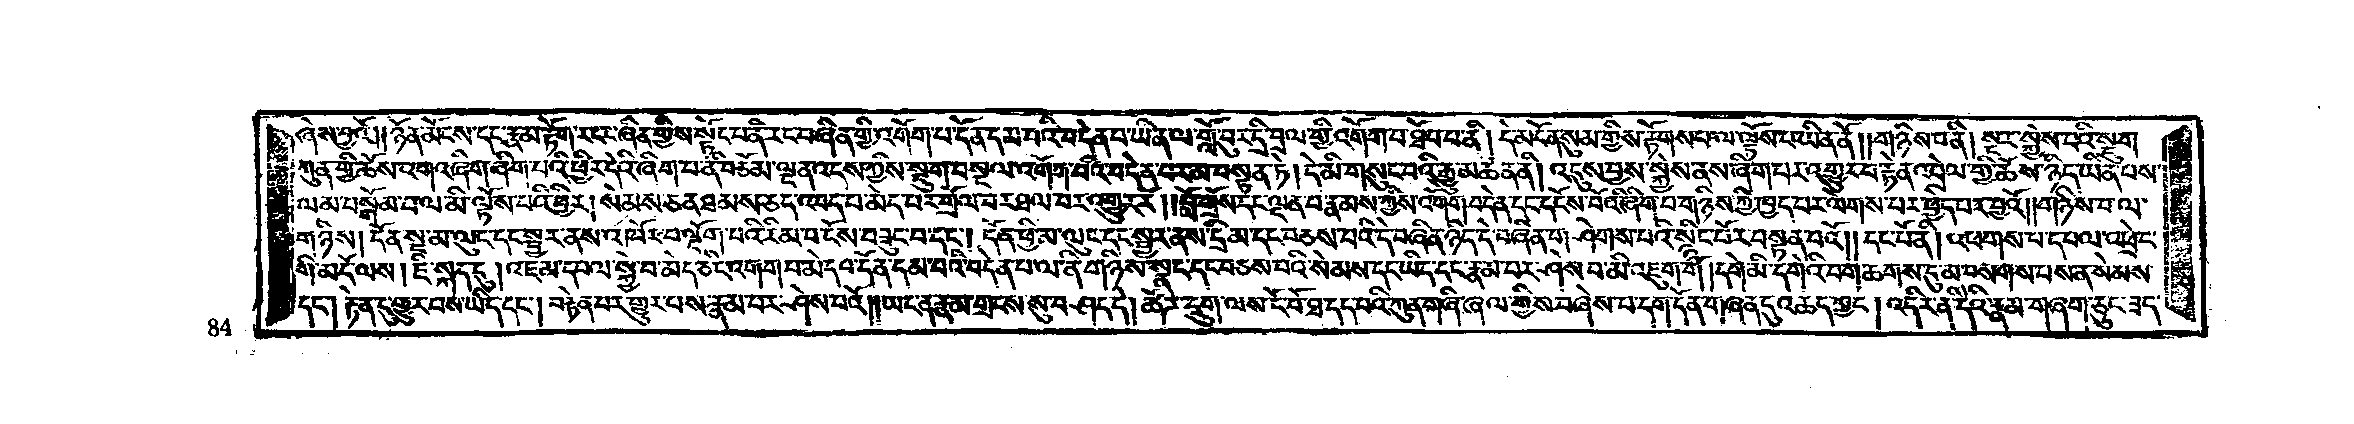ཞེས་བྱའོ། །ཉོན་མོངས་དང་རྣམ་རྟོག་རང་བཞིན་གྱིས་སྟོང་པ་ནི་རང་བཞིན་གྱི་འགོག་པ་དོན་དམ་པའི་བདེན་པ་ཡིན་ལ་གློ་བུར་དྲི་བྲལ་གྱི་འགོག་པ་ཐོབ་པ་ནི། དེ་མངོན་སུམ་གྱིས་རྟོགས་པ་ལ་ལྟོས་པ་ཡིན་ནོ། །གཉིས་པ་ནི། སྔར་སྐྱེས་པའི་སྡུག་
ཀུན་གྱི་ཆོས་འགའ་ཞིག་ཞིག་པའི་ཕྱིར་དེའི་ཞིག་པ་ནི་བཅོམ་ལྡན་འདས་ཀྱིས་སྡུག་བསྔལ་འགོག་པའི་བདེན་པར་མ་བསྟན་ཏེ། དེ་མི་གསུང་པའི་རྒྱུ་མཚན་ནི། འདུས་བྱས་སྐྱེས་ནས་ཞིག་པར་འགྱུར་བ་རྟེན་འབྲེལ་གྱི་ཆོས་ཉིད་ཡིན་པས་
ལམ་བསྒོམ་པ་ལ་མི་ལྟོས་པའི་ཕྱིར། སེམས་ཅན་ཐམས་ཅད་འབད་པ་མེད་པར་གྲོལ་བར་ཐལ་བར་འགྱུར་རོ། །བློ་གྲོས་དང་ལྡན་པ་རྣམས་ཀྱིས་འགོག་བདེན་དང་དངོས་པོའི་ཞིག་པ་གཉིས་ཀྱི་ཁྱད་པར་ལེགས་པར་ཕྱེད་པར་བྱའོ། །གཉིས་པ་ལ་
གཉིས། དོན་སྔ་མ་ལུང་དང་སྦྱར་ནས་འཁོར་བ་ལྡོག་པའི་རིམ་པ་ངོས་བཟུང་བ་དང་། དོན་ཕྱི་མ་ལུང་དང་སྦྱར་ནས་དྲི་མ་དང་བཅས་པའི་དེ་བཞིན་ཉིད་དེ་བཞིན་གཤེགས་པའི་སྙིང་པོར་བསྟན་པའོ། །དང་པོ་ནི། འཕགས་པ་དཔལ་འཕྲེང་
གི་མདོ་ལས། ཇི་སྐད་དུ། འཇམ་དཔལ་སྐྱེ་བ་མེད་ཅིང་འགག་པ་མེད་པ་དོན་དམ་པའི་བདེན་པ་ལ་ནི་གཉིས་སྣང་དང་བཅས་པའི་སེམས་དང་ཡིད་དང་རྣམ་པར་ཤེས་པ་མི་འཇུག་གོ །དགེ་མི་དགེའི་བག་ཆགས་དུ་མ་བསགས་པས་ན་སེམས་
དང་། རྟེན་དུ་གྱུར་པས་ཡིད་དང་། བརྟེན་པར་གྱུར་པས་རྣམ་པར་ཤེས་པའོ། །ཡང་ན་རྣམ་གྲངས་སུ་བཤད་དེ། ཚོགས་དྲུག་ལས་ངོ་བོ་ཐ་དད་པའི་ཀུན་གཞི་ཞལ་གྱིས་བཞེས་པ་དག་དོན་གཞན་དུ་འཆད་ཀྱང་། འདིར་ནི་དེའི་རྣམ་གཞག་ཅུང་ཟད་